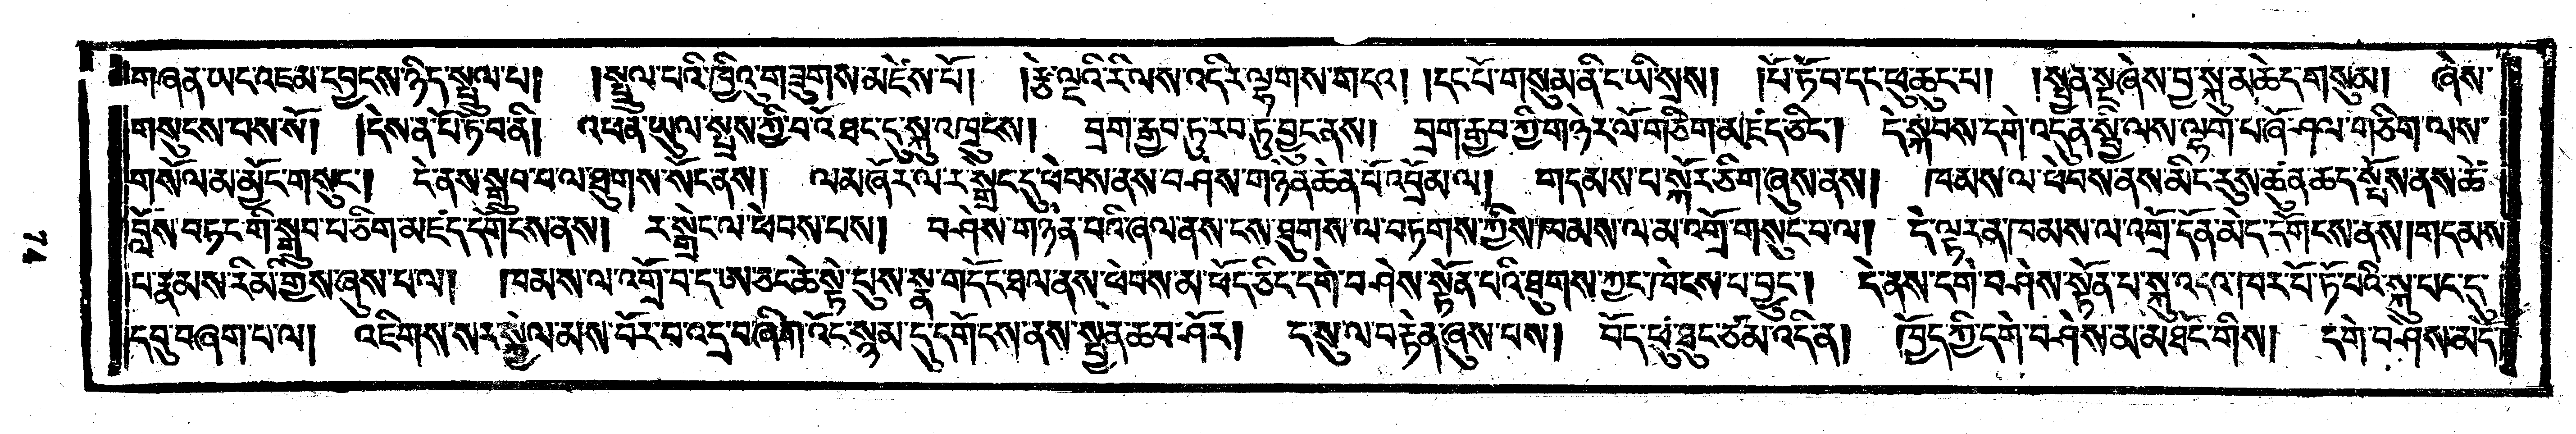གཞན་ཡང་འཇམ་དབྱངས་ཉིད་སྤྲུལ་པ། །སྤྲུལ་པའི་ཁྱིའུ་གཟུགས་མཛེས་པོ། །རྩེ་ལྔའི་རི་ལས་འདིར་ལྷགས་གདའ། །དང་པོ་གསུམ་ནི་ང་ཡི་སྲས། །པོ་ཏོ་བ་དང་ཕུ་ཆུང་བ། །སྤྱན་སྔ་ཞེས་བྱ་སྐུ་མཆེད་གསུམ། ཞེས་
གསུངས་པས་སོ། །དེས་ན་པོ་ཏོ་བ་ནི། འཕན་ཡུལ་སྤྲས་ཀྱི་བ་འོ་ཐང་དུ་སྐུ་འཁྲུངས། བྲག་རྒྱབ་ཏུ་རབ་ཏུ་བྱུང་ནས། བྲག་རྒྱབ་ཀྱི་གཉེར་ལོ་གཅིག་མཛད་ཅིང་། དེ་སྐབས་དགེ་འདུན་སྤྱི་ལས་ལྷག་པ་ཞོ་ཤལ་གཅིག་ལས་
གསོལ་མ་མྱོང་གསུང་། དེ་ནས་སྒྲུབ་པ་ལ་ཐུགས་སོང་ནས། ལམ་ཞོར་ལ་རེ་སྒྲེང་དུ་ཕེབས་ནས་བཤེས་གཉེན་ཆེན་པོ་འབྲོམ་ལ། གདམས་པ་སྐོར་ཅིག་ཞུས་ནས། ཁམས་ལ་ཕེབས་ནས་མིང་རུས་ཚུན་ཆད་སྤོས་ནས་ཚེ་
བློས་བཏང་གི་སྒྲུབ་པ་ཅིག་མཛད་དགོངས་ནས། ར་སྒྲེང་ལ་ཕེབས་པས། བཤེས་གཉེན་བའི་ཞལ་ནས་ངས་ཐུགས་ལ་བཏགས་ཀྱིས་ཁམས་ལ་མ་འགྲོ་གསུང་བ་ལ། དེ་ལྟར་ན་ཁམས་ལ་འགྲོ་དོན་མེད་དགོངས་ནས། གདམས་
པ་རྣམས་རིམ་གྱིས་ཞུས་པ་ལ། ཁམས་ལ་འགྲོ་བ་ད་ཨ་ཅང་ཆེ་སྟེ་པུས་སྣ་གདོང་ཐལ་ནས་ཕེབས་མ་ཕོད་ཅིང་དགེ་བཤེས་སྟོན་པའི་ཐུགས་ཀྱང་ཁེངས་པ་བྱུང་། དེ་ནས་དགེ་བཤེས་སྟོན་པ་སྐུ་འདའ་ཁར་པོ་ཏོ་པའི་སྐུ་པང་དུ་
དབུ་བཞག་པ་ལ། འཇིགས་སར་སྐྱེལ་མས་བོར་བ་འདྲ་བ་ཞིག་འོང་སྙམ་དུ་དགོངས་ནས་སྤྱན་ཆབ་ཤོར། ད་སུ་ལ་བརྟེན་ཞུས་པས། བོད་ཕུ་ཐུང་ཙམ་འདི་ན། ཁྱོད་ཀྱི་དགེ་བཤེས་མ་མཐོང་གིས། དགེ་བཤེས་མེད་